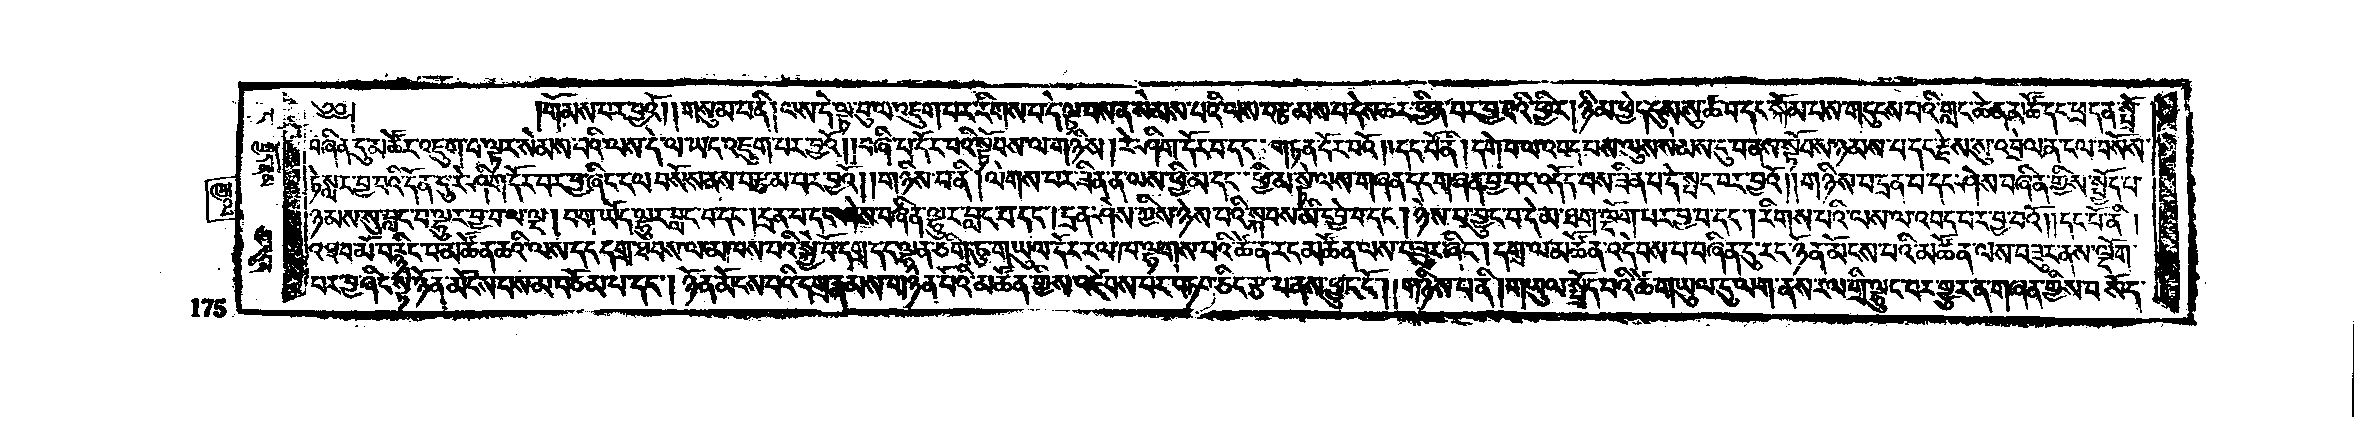༄༅། །གོམས་པར་བྱའོ། །གསུམ་པ་ནི། ལས་དེ་ལྟ་བུ་ལ་འཇུག་པར་རིགས་པ་དེ་ལྟ་བས་ན་སེམས་པའི་ལས་བརྩམས་པ་དེས་ཆར་ཕྱིན་པར་བྱ་བའི་ཕྱིར། ཉི་མ་ཕྱེད་དུས་སུ་ཚ་བ་དང་སྐོམ་པས་གདུངས་པའི་གླང་ཆེན་མཚོ་དང་ཕྲད་ན་སྤྲོ་
བཞིན་དུ་མཚོར་འཇུག་པ་ལྟར་སེམས་པའི་ལས་དེ་ལ་ཡང་འཇུག་པར་བྱའོ། །བཞི་པ་དོར་བའི་སྟོབས་ལ་གཉིས། རེ་ཤིག་དོར་བ་དང་གཏན་དོར་བའོ། །དང་པོ་ནི། དགེ་བ་ལ་འབད་པས་ལུས་སེམས་དུ་བ་ནས་སྟོབས་ཉམས་པ་དང་རྗེས་སུ་འབྲེལ་ན་ངལ་བསོས་
ཏེ་སླར་བྱ་བའི་དོན་དུ་རེ་ཤིག་དོར་བར་བྱ་ཞིང་ངལ་བསོས་ནས་བརྩམ་པར་བྱའོ། །གཉིས་པ་ནི། ལེགས་པར་ཞིན་ན་ལས་ཕྱི་མ་དང་ཕྱི་མ་སྟེ་ལས་གཞན་དང་གཞན་བྱ་བར་འདོད་པས་ཟིན་པ་དེ་སྤང་བར་བྱའོ། །གཉིས་པ་དྲན་པ་དང་ཤེས་བཞིན་གྱིས་སྤྱོད་པ་
ཉམས་སུ་བླང་བ་ལྷུར་བྱ་བ་ལ་ལྔ། བག་ཡོད་ལྷུར་བླང་བ་དང་། དྲན་པ་དང་ཤེས་བཞིན་ལྷུར་བླང་བ་དང་། དྲན་ཤེས་ཀྱིས་ཉེས་པའི་སྐབས་མི་དབྱེ་བ་དང་། ཉེས་པ་བྱུང་བ་དེ་མ་ཐག་ལྡོག་པར་བྱ་བ་དང་། རིགས་པའི་ལས་ལ་འབད་པར་བྱ་བའོ། །དང་པོ་ནི།
འཐབ་མོ་བརྙིང?་པ་མཚོན་ཆའི་ལས་དང་དགྲ་ཐབས་ལ་མཁས་པའི་སྐྱེ་བོ་དགྲ་དང་ལྷན་ཅིག་ཏུ་གཡུལ་དོར་རལ་ཁ་ལྷགས་པའི་ཚེ་ན་རང་མཚོན་ལས་བཟུར་ཞིང་། དགྲ་ལ་མཚོན་འདེབས་པ་བཞིན་དུ་རང་ཉོན་མོངས་པའི་མཚོན་ལས་བཟུར་ནས་ལྡོག་
པར་བྱ་ཞིང་སྟེ་ཉོན་མོངས་པས་མ་བཅོམ་པ་དང་། ཉོན་མོངས་པའི་དགྲ་རྣམས་གཉེན་པོའི་མཚོན་གྱིས་འཛེབས་པར་བཏབ་ཅིང་རྩ་བ་ནས་ཕུང་ངོ། །གཉིས་པ་ནི། གཡུལ་སྤྲོད་པའི་ཚེ་གཡུལ་དུ་ལག་ནས་རལ་གྲི་ལྷུང་བར་གྱུར་ན་གཞན་གྱིས་བསོད་